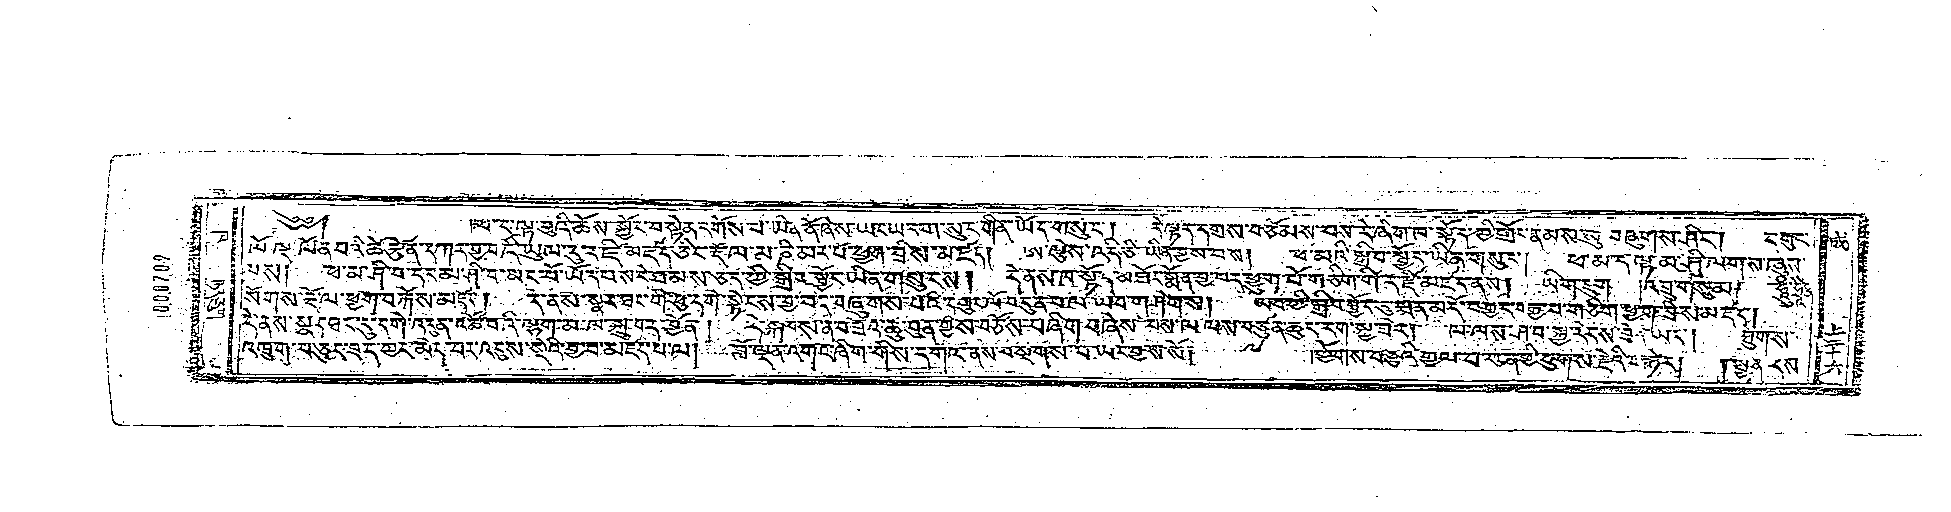༄༅། །ལ་དེ་ལྟ་བུའི་ཆོས་སྐྱོང་བསྟེན་དགོས་པ་ཡིན་ནོ་ཞེས་ཡང་ཡང་གསུང་གིན་ཡོད་གསུང་། དེ་ལྟར་དགྲས་བཅོམས་པས་རེ་ཞིག་ཁ་སྟོད་ཀྱི་གྲོང་རྣམས་སུ་བཞུགས་ཤིང་། དགུང་
ལོ་ལྔ་ལོན་བའི་ཚེ་རྩོན་དཀར་བྱ་བའི་ཡུལ་དུ་ར་ཛི་མཛད་ཅིང་རྡོ་ལ་མ་ཎི་མང་པོ་ཕྱག་བྲིས་མཛད། ཨ་ལྕེས་འདི་ཅི་ཡིན་བྱས་བས། ཕ་མའི་སྒྲིབ་སྦྱོང་ཡིན་གསུང་། ཕ་མ་ད་ལྟ་མ་ཤི་ལགས་ཞས་
པས། ཕ་མ་ཤི་བ་དང་མ་ཤི་བ་མང་པོ་ཡོད་པས་དེ་ཐམས་ཅད་ཀྱི་སྒྲིབ་སྦྱོང་ཡིན་གསུངས། དེ་ནས་ཁ་སྟོད་མཐོང་སྨོན་བྱ་བར་ཕྱུག་པོ་གཅིག་གིར་རྫི་མཛད་ནས། ཡིག་དྲུག །འབྲུག་གསུམ། ཧཱུཾ་ཧརEཨེཿ
སོགས་རྡོ་ལ་ཕྱག་བརྐོས་མཛད། དེ་ནས་སྣར་ཐང་གི་ཕུ་དགེ་སྟེངས་བྱ་བར་བཞུགས་པའི་དགུང་ལོ་བདུན་པ་ལ་ཡབ་གཤེགས། ཡབ་ཀྱི་སྒྲིབ་སྦྱོང་དུ་སྨན་མདོ་བགྱང་བརྒྱ་པ་གཅིག་ཕྱག་བྲིས་མཛད།
དེ་ནས་སྣད་ཐང་དུ་དགེ་འདུན་འཚོ་བའི་ལྷག་མ་ལ་སྐྲུ་བར་བྱོན། དེ་སྐབས་ན་བཟའ་ཆུ་བུན་གྱིས་བཙོས་པ་ཞིག་བཞེས་པས་ལ་ལས་བཙུན་ཆུང་ངག་སྐྱ་ཟེར། ལ་ལས་ཤ་བ་སྐྱ་རེངས་ཟེར་ཡང་། ཐུགས་
འཁྲུག་པ་ཅུང་ཟད་ཀྱང་མེད་བར་འདུས་སྡེའི་བྱ་བ་མཛད་པ་ལ། བློ་ལྡན་འགའ་ཞིག་གིས་དགའ་ནས་བསྔགས་བ་ཡང་བྱས་སོ། ༧་།ཕྱོགས་བཅུའི་རྒྱལ་བ་ཀུན་གྱི་ཐུགས་རྗེའི་གཏེར། །སྤྱན་རས་